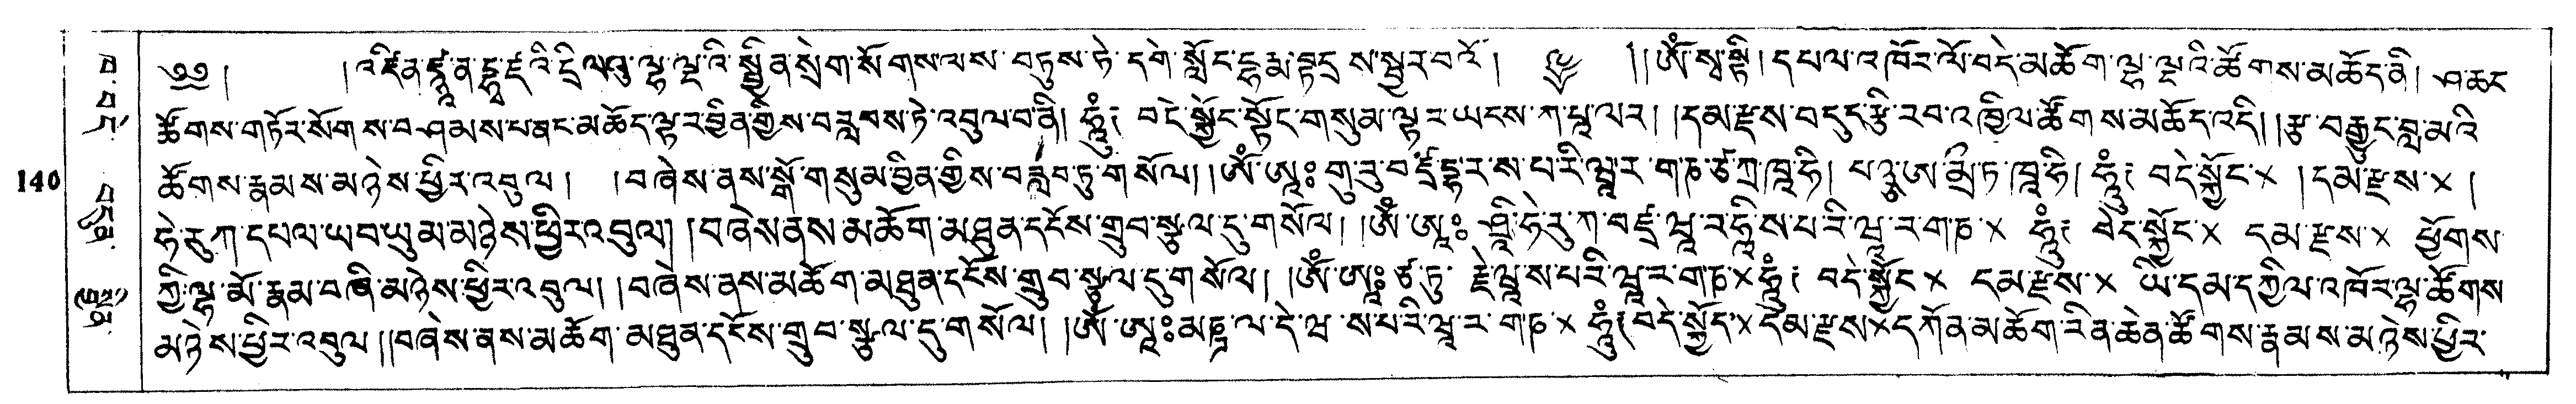༄༅། །འཛིན་ཛྙཱ་ན་དྷྭ་ཛའི་དྲིལཱུ་ལྷ་ལྔའི་སྦྱིན་སྲེག་སོགས་ལས་བཏུས་ཏེ་དགེ་སློང་དྷརྨ་བཏདྲས་སྦྱར་བའོ། ༈ །།ཨོཾ་སྭ་སྟི། དཔལ་འཁོར་ལོ་བདེ་མཆོག་ལྷ་ལྔའི་ཚོགས་མཆོད་ནི། ཤ་ཆང་
ཚོགས་གོར་སོགས་བཤམས་པ་ནང་མཆོད་ལྟར་བྱིན་གྱིས་བརླབས་ཏེ་འབུལ་བ་ནི། ཧཱུཾ༑ བདེ་སྐྱོང་སྟོང་གསུམ་ལྟར་ཡངས་ཀ་པཱ་ལར། །དམ་རྫས་བདུད་རྩི་རབ་འཁྱིལ་ཚོགས་མཆོད་འདི། །རྩ་བརྒྱུད་བླ་མའི་
ཚོགས་རྣམས་མཉེས་ཕྱིར་འབུལ། །བཞེས་ནས་སྒོ་གསུམ་བྱིན་གྱིས་བརླབ་ཏུ་གསོལ། །ཨོཾ་ཨཱཿ གུ་རུ་བཛྲ་དྷ་ར་ས་པ་རི་ཝཱ་ར་ག་ཎ་ཙ་ཀྲ་ཁཱ་ཧི། པཉྩ་ཨ་མྲྀ་ཏ་ཁཱ་ཧི། ཧཱུཾ༑ བདེ་སྐྱོང྾། དམ་རྫས྾།
ཧེ་རུ་ཀ་དཔལ་ཡབ་ཡུམ་མཉེས་ཕྱིར་འབུལ། །བཞེས་ནས་མཆོག་མཐུན་དངོས་གྲུབ་སྩལ་དུ་གསོལ། །ཨོཾ་ཨཱཿ ཤྲཱི་ཧེ་རུ་ཀ་བཛྲ་ཝཱ་ར་ཧཱི་ས་པ་རི་ཝཱ་ར་ག་ཎ྾་།ཧཱུཾ༑ བདེ་སྐྱོང྾་དམ་རྫས྾་ཕྱོགས་
ཀྱི་ལྷ་མོ་རྣམ་བཞི་མཉེས་ཕྱིར་འབུལ། །བཞེས་ནས་མཆོག་མཐུན་དངོས་གྲུབ་སྩལ་དུ་གསོལ། །ཨོཾ་ཨཱཿ ཙ་ཏུ་རྗེ་ཝཱ་ས་པ་རི་ཝཱ་ར་ག་ཎ྾་ཧཱུཾ༑ བདེ་སྐྱོང྾་དམ་རྫས྾་ཡི་དམ་དཀྱིལ་འཁོར་ལྷ་ཚོགས་
མཉེས་ཕྱིར་འབུལ། །བཞེས་ནས་མཆོག་མཐུན་དངོས་གྲུབ་སྩལ་དུ་གསོལ། །ཨོཾ་ཨཱཿ མཎྜ་ལ་དེ་ཝ་ས་པ་རི་ཝཱ་ར་ག་ཎ྾་ཧཱུཾ༑ བདེ་སྐྱོད྾་དམ་རྫས྾་དཀོན་མཆོག་རིན་ཆེན་ཚོགས་རྣམས་མཉེས་ཕྱིར་